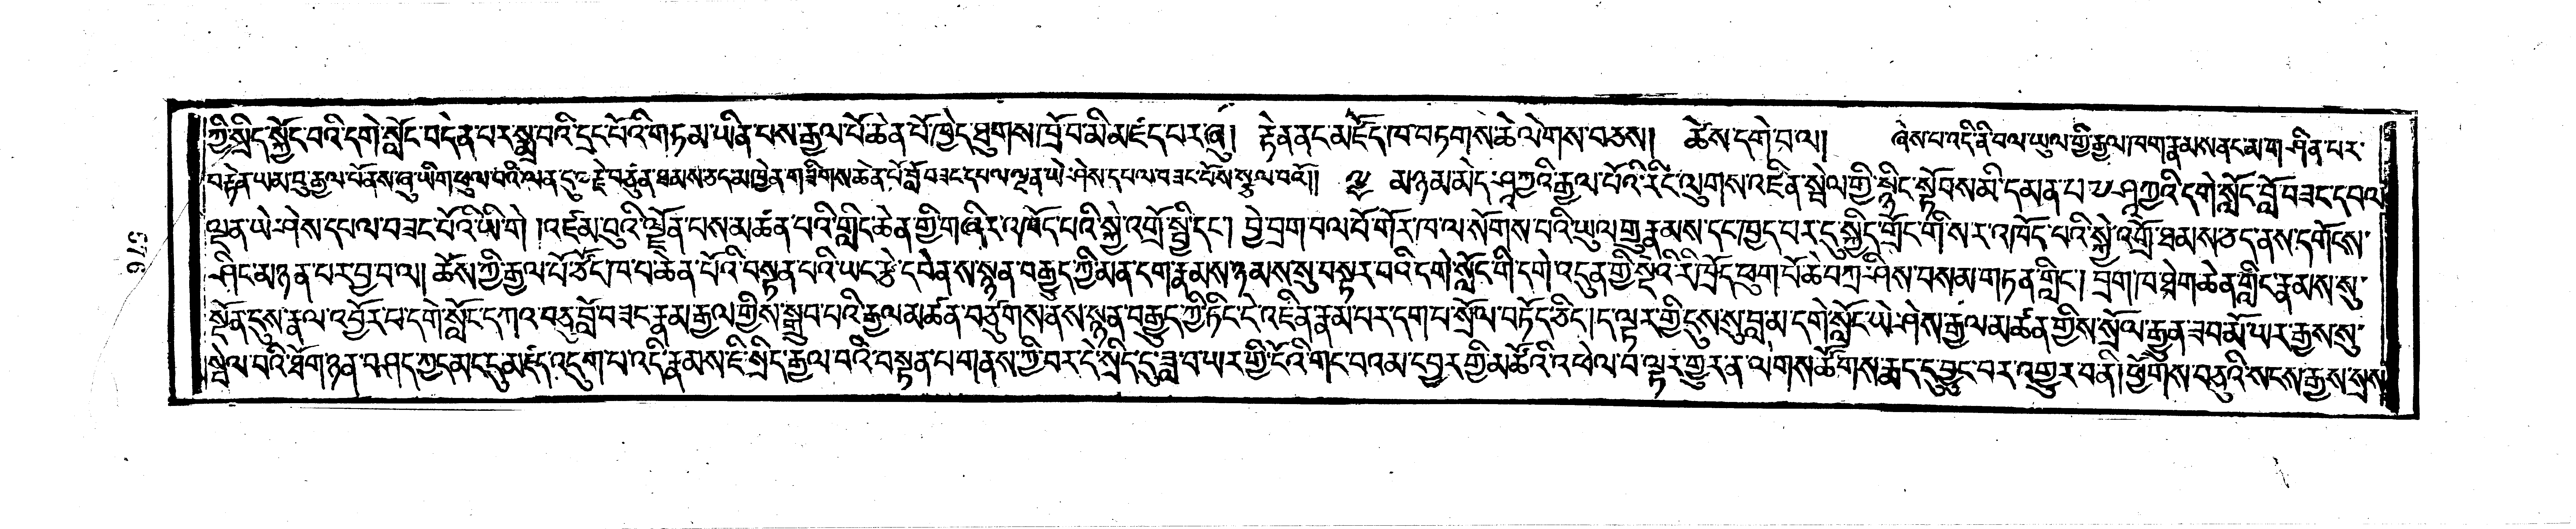ཀྱི་སྲིད་སྐྱོང་བའི་དགེ་སློང་བདེན་པར་སྨྲ་བའི་དྲང་པོའི་གཏམ་ཡིན་པས་རྒྱལ་པོ་ཆེན་པོ་ཁྱེད་ཐུགས་ཁྲོ་བ་མི་མཛད་པར་ཞུ། རྟེན་དང་མཛོད་ཁ་བཏགས་ཆེ་ལེགས་བཅས། ཚེས་དགེ་བ་ལ། ཞེས་པ་འདི་ནི་བལ་ཡུལ་གྱི་རྒྱལ་ཁག་རྣམས་ནང་མ་གཤིན་པར་
བརྟེན་ཡབ་བུ་རྒྱལ་པོ་ནས་ཞུ་ཡིག་ཕུལ་བའི་ལན་དུ་༈ རྗེ་བཙུན་ཐམས་ཅད་མཁྱེན་གཟིགས་ཆེན་པོ་བློ་བཟང་དཔལ་ལྡན་ཡེ་ཤེས་དཔལ་བཟང་པོས་སྩལ་བའོ།། ༈ མཉམ་མེད་ཤཱཀྱའི་རྒྱལ་པོའི་རིང་ལུགས་འཛིན་སྤེལ་གྱི་སྙིང་སྟོབས་མི་དམན་པ་༧་ཤཱཀྱའི་དགེ་སློང་བློ་བཟང་དཔལ་
ལྡན་ཡེ་ཤེས་དཔལ་བཟང་པོའི་ཡི་གེ །འཛམ་བུའི་ལྗོན་པས་མཚན་པའི་གླིང་ཆེན་གྱི་གཞིར་འཁོད་པའི་སྐྱེ་འགྲོ་སྦྱི་དང་། བྱེ་བྲག་བལ་པོ་གོར་ཁ་ལ་སོགས་པའི་ཡུལ་གྲུ་རྣམས་དང་ཁྱད་པར་དུ་སྐྱིད་གྲོང་གི་སར་འཁོད་པའི་སྐྱེ་འགྲོ་ཐམས་ཅད་ནས་དགོངས་
ཤིང་མཉན་པར་བྱ་བ་ལ། ཆོས་ཀྱི་རྒྱལ་པོ་ཙོང་ཁ་པ་ཆེན་པོའི་བསྟན་པའི་ཡང་རྩེ་དཔེན་ས་སྙན་བརྒྱུད་ཀྱི་མན་ངག་རྣམས་ཉམས་སུ་བསྟར་བའི་དགེ་སློང་གི་དགེ་འདུན་གྱི་སྡེའི་རི་ཁྲོད་ཕུག་པོ་ཆེ་བཀྲ་ཤིས་བསམ་གཏན་གླིང་། བྲག་ཁ་ཐེག་ཆེན་གླིང་རྣམས་སུ་
སྔོན་དུས་རྣལ་འབྱོར་པ་དགེ་སློང་དཀའ་བཅུ་བློ་བཟང་རྣམ་རྒྱལ་གྱིས་སྒྲུབ་པའི་རྒྱལ་མཚན་བཙུགས་ནས་སྙན་བརྒྱུད་ཀྱི་ཏིང་ངེ་འཛིན་རྣམ་པར་དག་པ་སྲོལ་བཏོད་ཅིང་། ད་ལྟར་གྱི་དུས་སུ་བླ་མ་དགེ་སློང་ཡེ་ཤེས་རྒྱལ་མཚན་གྱིས་སྲོལ་རྒྱུན་ཟབ་མོ་ཡར་རྒྱས་སུ་
སྦེལ་བའི་ཐོག་ཉན་བཤད་ཀྱང་མང་དུ་མཛད་འདུག་པ་འདི་རྣམས་ཇི་སྲིད་རྒྱལ་བའི་བསྟན་པ་གནས་ཀྱི་བར་དེ་སྲིད་དུ་ཟླ་བ་ཡར་གྒྱི་ངོའི་གང་བའམ་དབྱར་གྱི་མཚོའི་འཕེལ་བ་ལྟར་གྱུར་ན་ལེགས་ཚོགས་རྨད་དུ་བྱུན་བར་འགྱུར་བ་ནི། ཕྱོགས་བཅུའི་སངས་རྒྱས་སྲས།